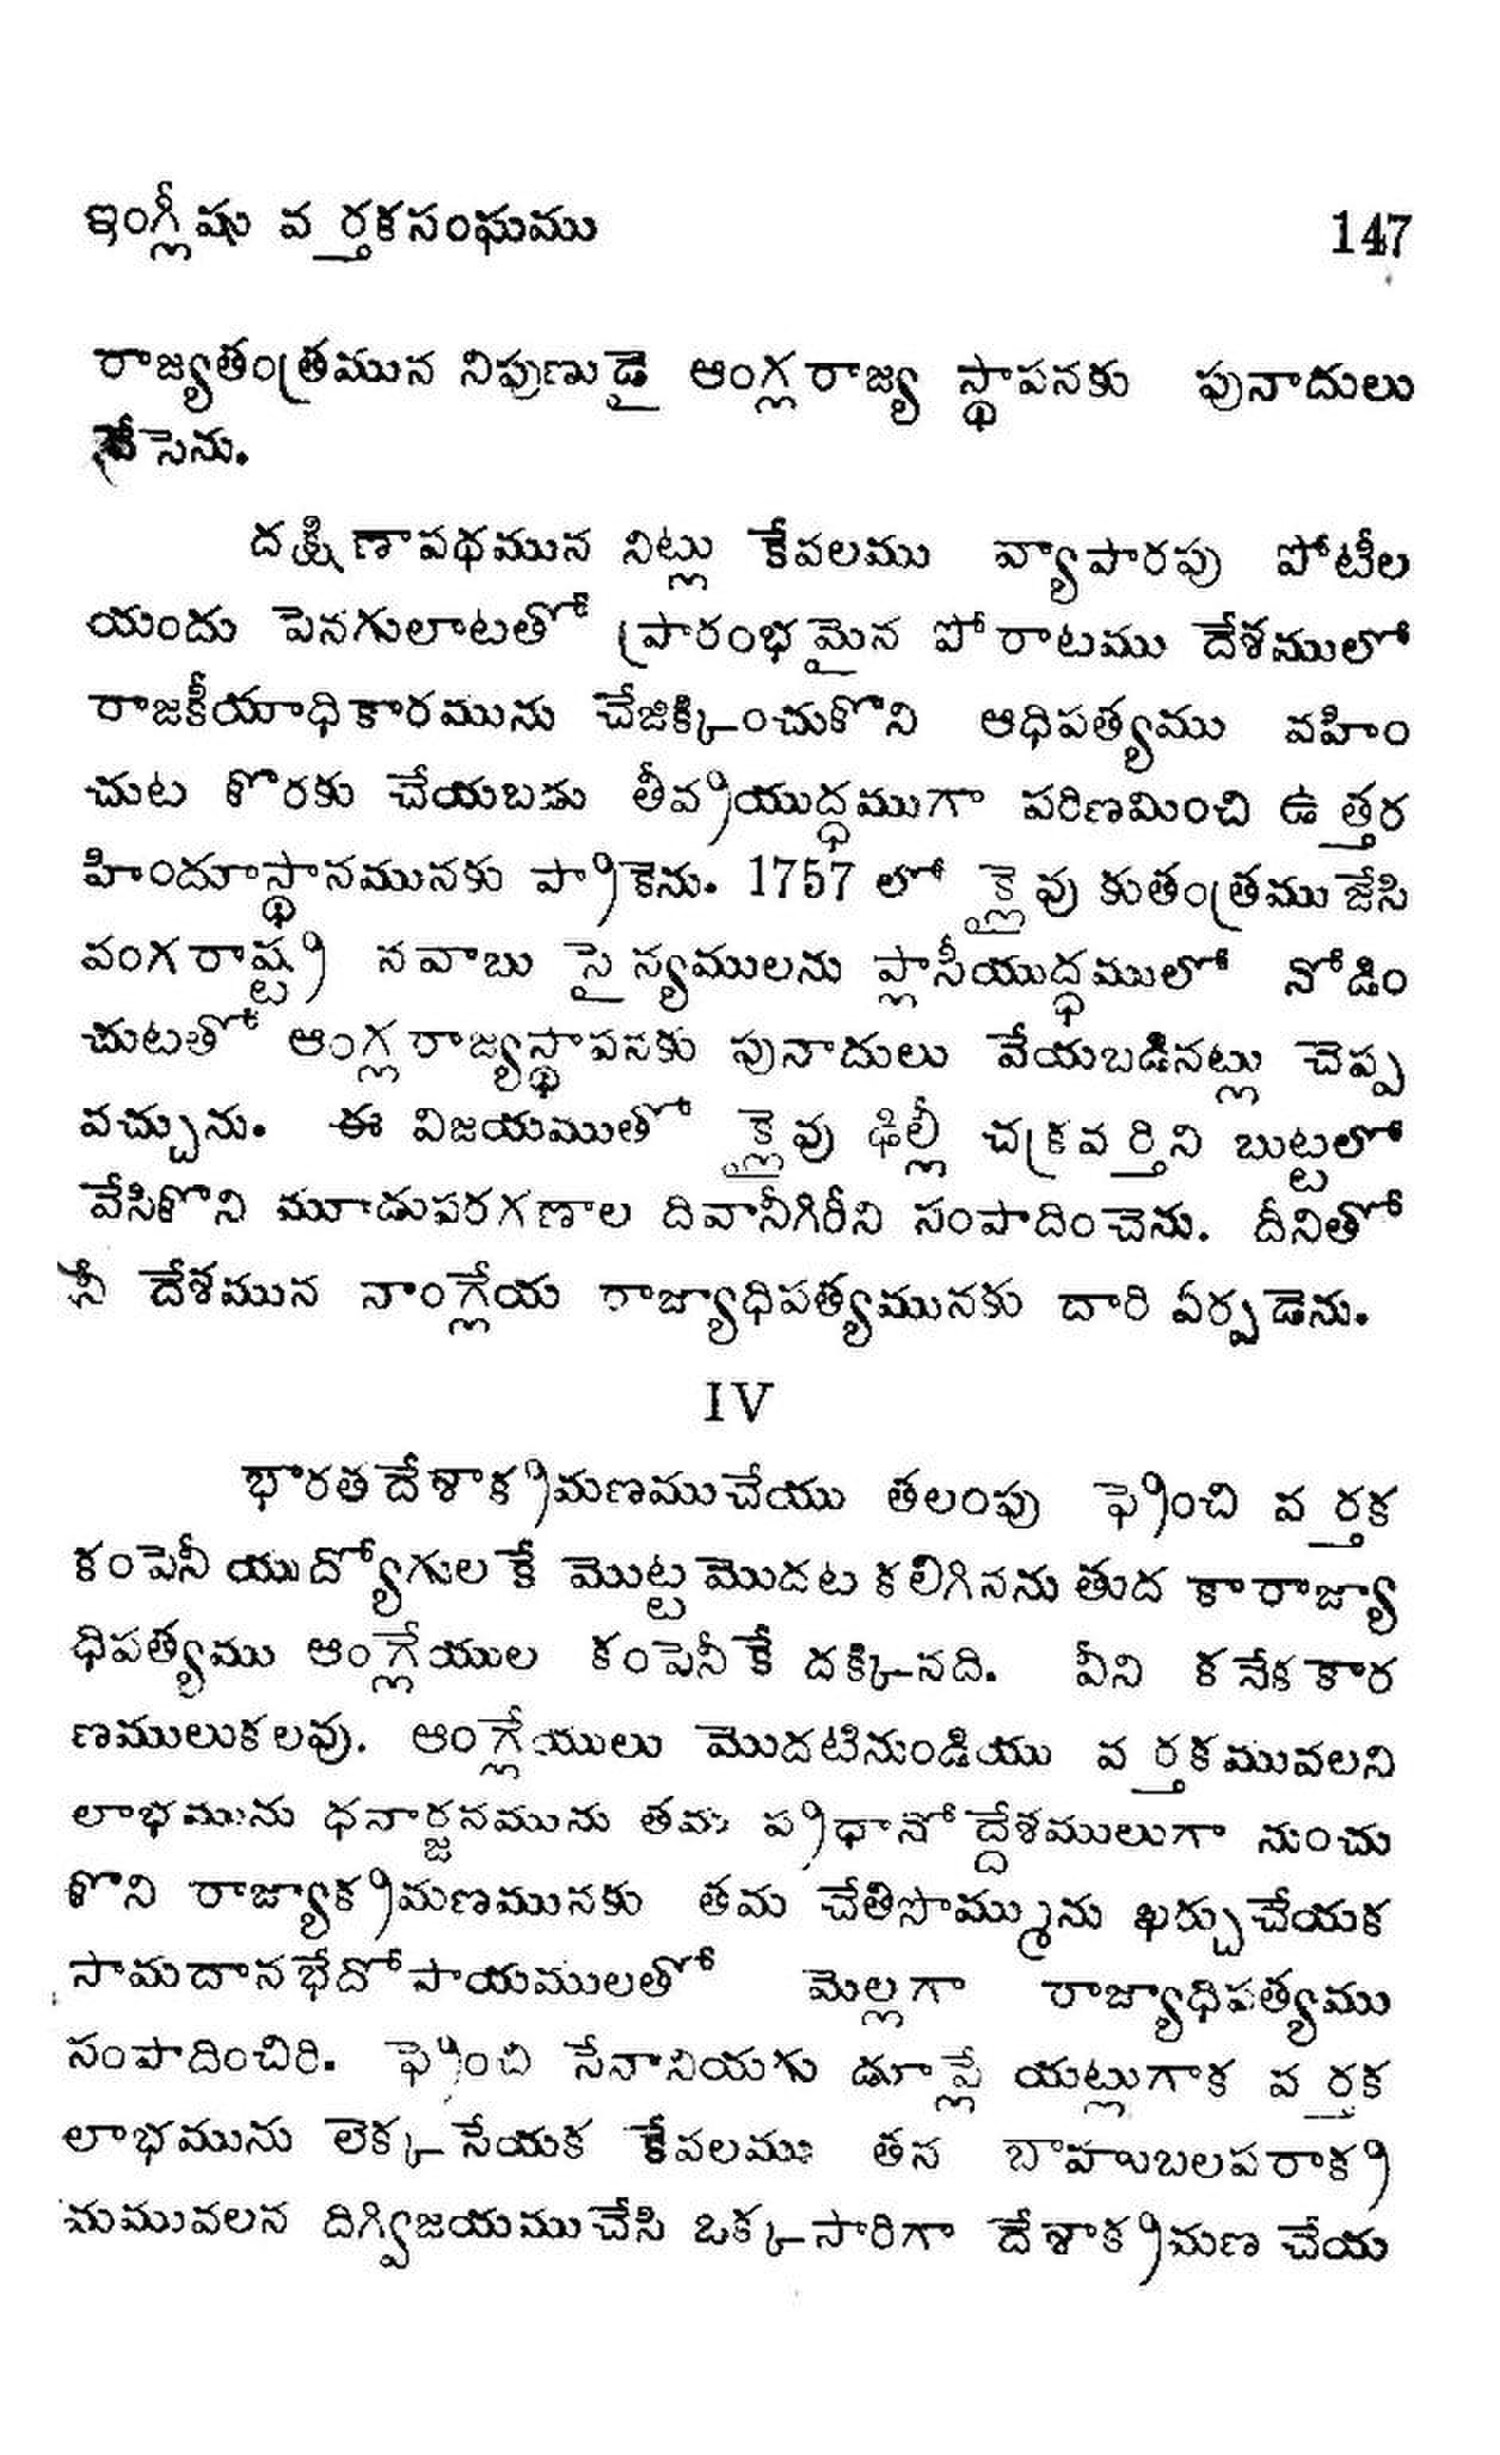రాజ్యతంత్రమున నిపుణుడై ఆంగ్లరాజ్య స్థాపనకు పునాదులు వేసెను.

దక్షిణాపథమున నిట్లు కేవలము వ్యాపారపు పోటీలయందు పెనగులాటతో ప్రారంభమైన పోరాటము దేశములో రాజకీయాధికారమును చేజిక్కించుకొని ఆధిపత్యము వహించుట కొరకు చేయబడు తీవ్రయుద్ధముగా పరిణమించి ఉత్తర హిందూస్థానమునకు ప్రాకెను. 1757 లో క్లైవు కుతంత్రముజేసి వంగరాష్ట్ర నవాబు సైన్యములను ప్లాసీయుద్ధములో నోడించుటతో ఆంగ్లరాజ్యస్థాపనకు పునాదులు వేయబడినట్లు చెప్పవచ్చును. ఈ విజయముతో క్లైవు ఢిల్లీ చక్రవర్తిని బుట్టలో వేసికొని మూడుపరగణాల దివానీగిరీని సంపాదించెను. దీనితో నీ దేశమున నాంగ్లేయ రాజ్యాధిపత్యమునకు దారి ఏర్పడెను.

IV 

భారతదేశాక్రమణముచేయు తలంపు ఫ్రెంచి వర్తకకంపెనీ యుద్యోగులకే మొట్టమొదట కలిగినను తుద కారాజ్యధిపత్యము ఆంగ్లేయుల కంపెనీ కే దక్కినది. వీని కనేక కారణములుకలవు. ఆంగ్లేయులు మొదటినుండియు వర్తకమువలని లాభమును ధనార్జనమును తమ ప్రధానోద్దేశములుగా నుంచుకొని రాజ్యాక్రమణమునకు తమ చేతిసొమ్మును ఖర్చుచేయక సామదానభేదోపాయములతో మెల్లగా రాజ్యాధిపత్యము సంపాదించిరి. ఫ్రెంచి సేనానియగు డూప్లే యట్లుగాక వర్తక లాభమును లెక్క సేయక కేవలము తన బాహుబలపరాక్రమమువలన దిగ్విజయము చేసి ఒక్కసారిగా దేశాక్రమణ చేయ